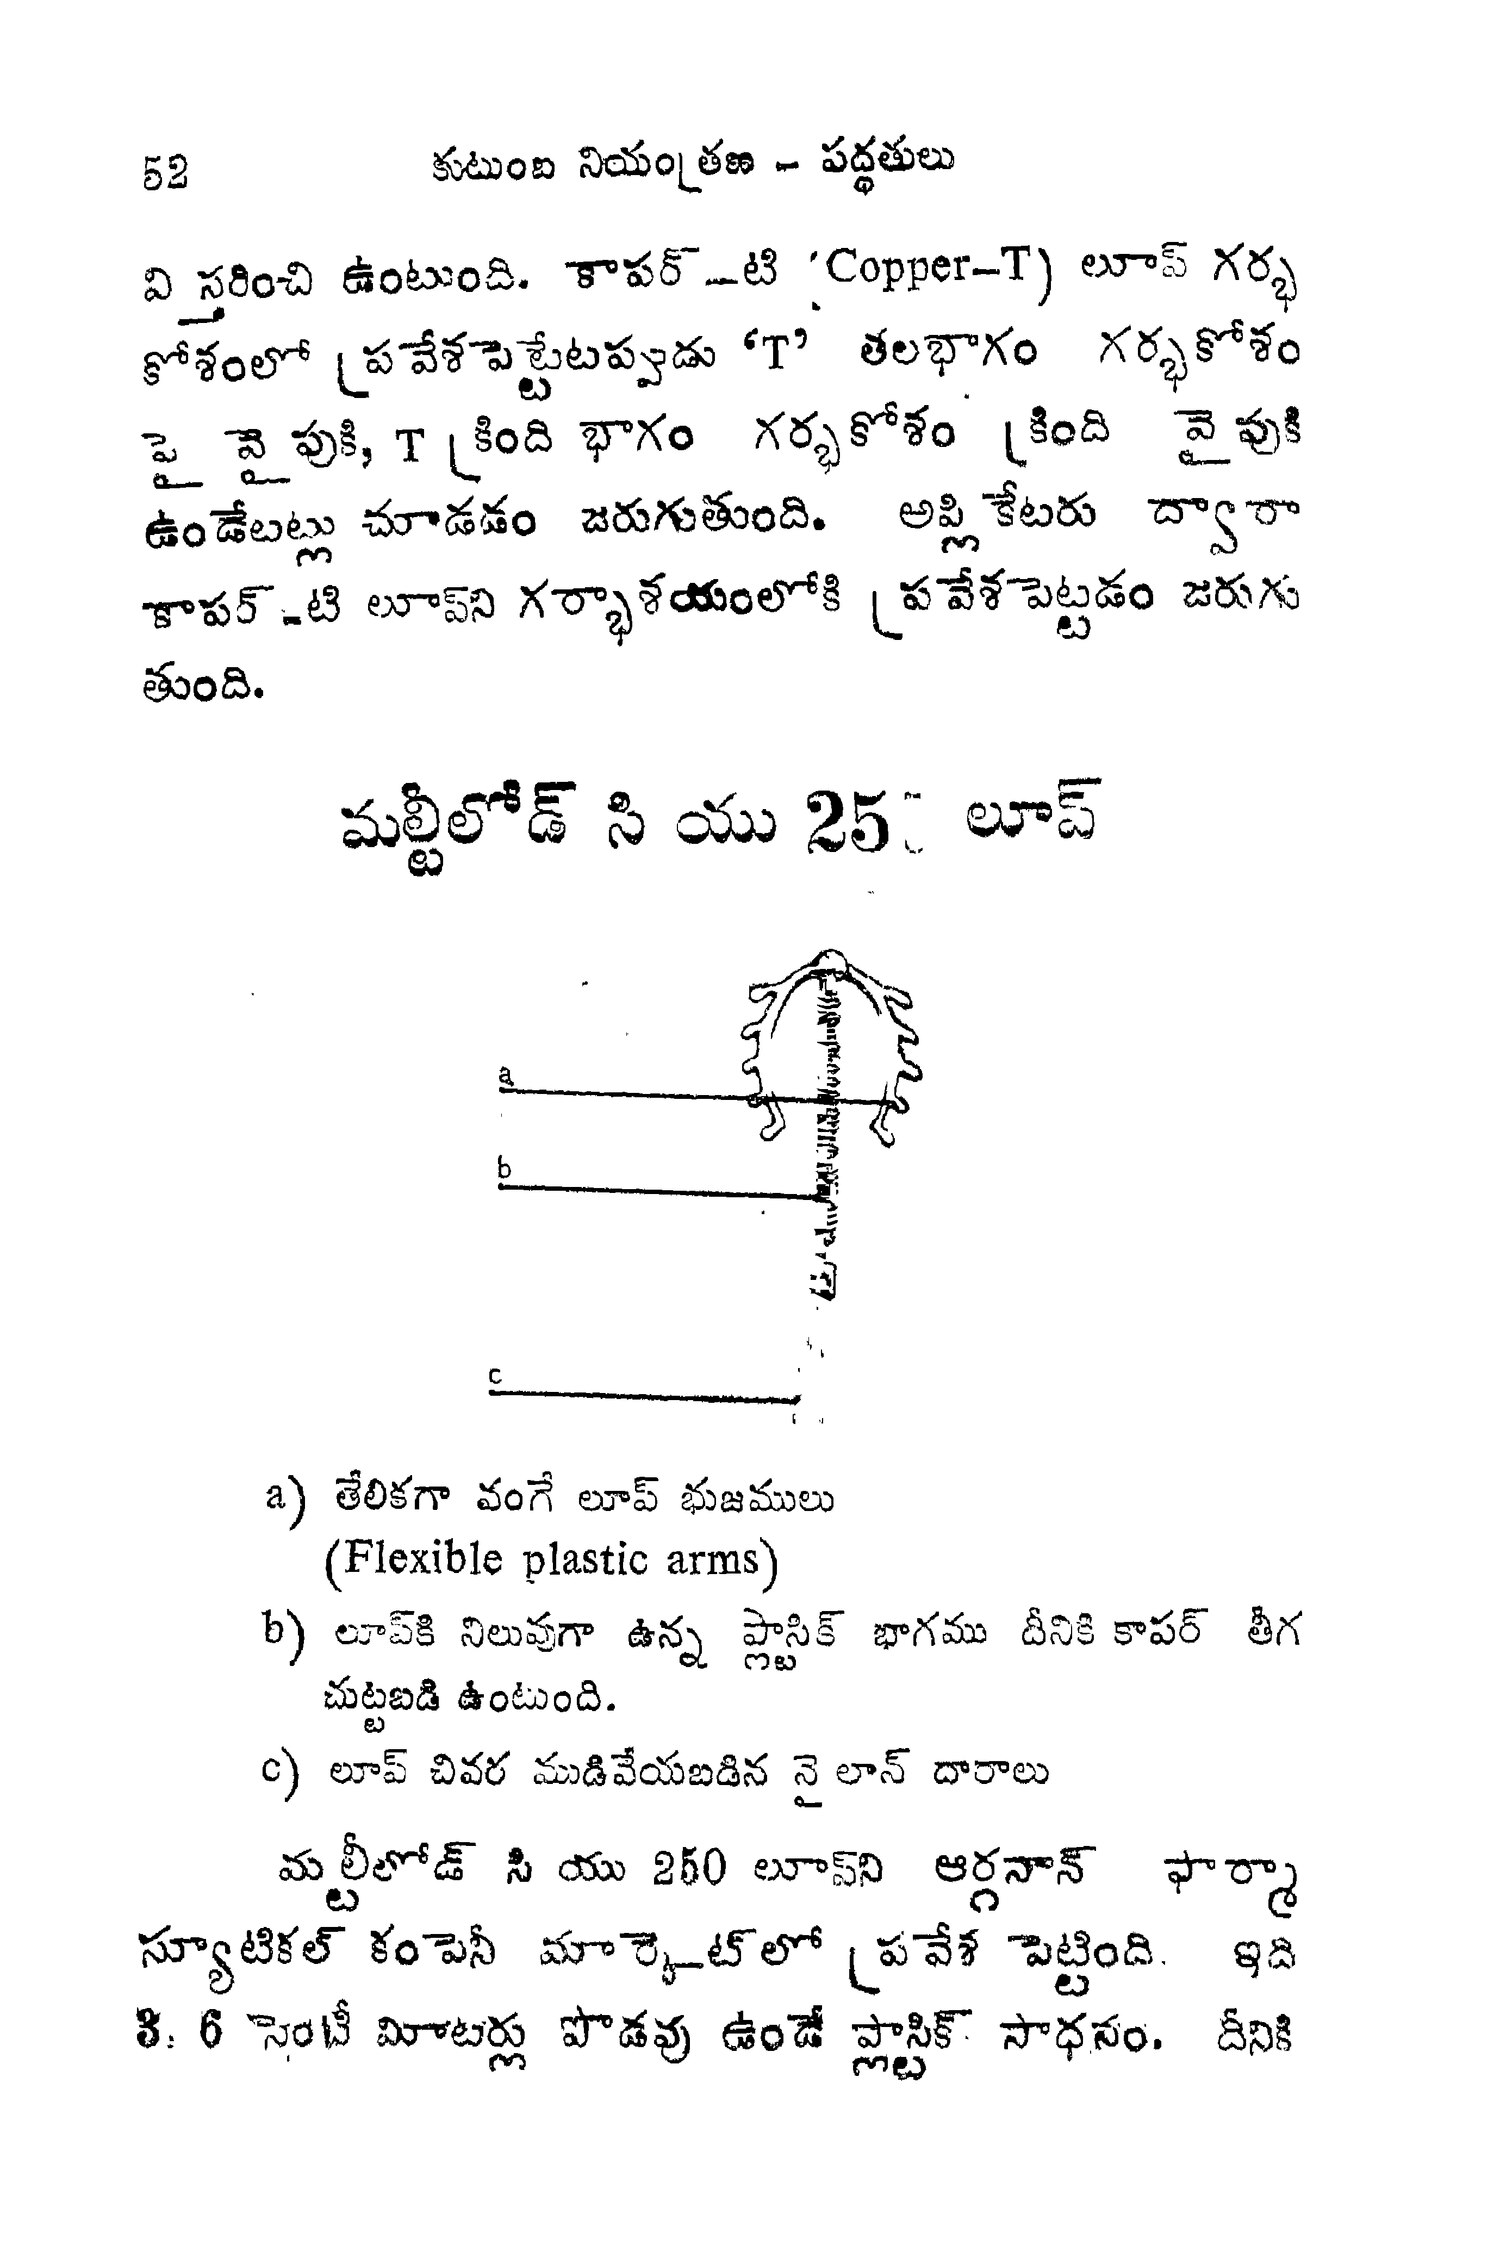విస్తరించి ఉంటుంది. కాపర్ -టి (Copper-T) లూప్ గర్భకోశంలో ప్రవేశపెట్టేటప్పుడు 'T ' తలభాగం గర్భకోశం పై వైపుకి, T క్రిందిభాగం గర్భకోశం క్రింది వైపుకి ఉండేటట్లు చూడడం జరుగుతుంది. అప్లికేటరు ద్వారా కాపర్-టి లూప్‌ని గర్భాశయంలోకి ప్రవేశపెట్టడం జరుగుతుంది.

a) తేలికగా వంగే లూప్ భుజములు (Flexible plastic arms)

b) లూప్‌కి నిలువుగా ఉన్న ప్లాస్టిక్ భాగము దీనికి కాపర్ తీగ చుట్టబడి ఉంటుంది

c) లూప్ చివర ముడివేయబడిన నైలాన్ దారాలు

మల్టీలోడ్ సి యు 250 లూప్‌ని ఆర్గనాన్ ఫార్మాస్యూటికల్ కంపనీ మార్కెట్‌లో ప్రవేశ పెట్టింది. ఇది 3, 6 సెంటీ మీటర్లు పొడవు ఉండే ప్లాస్టిక్ సాధణం. దీనికి